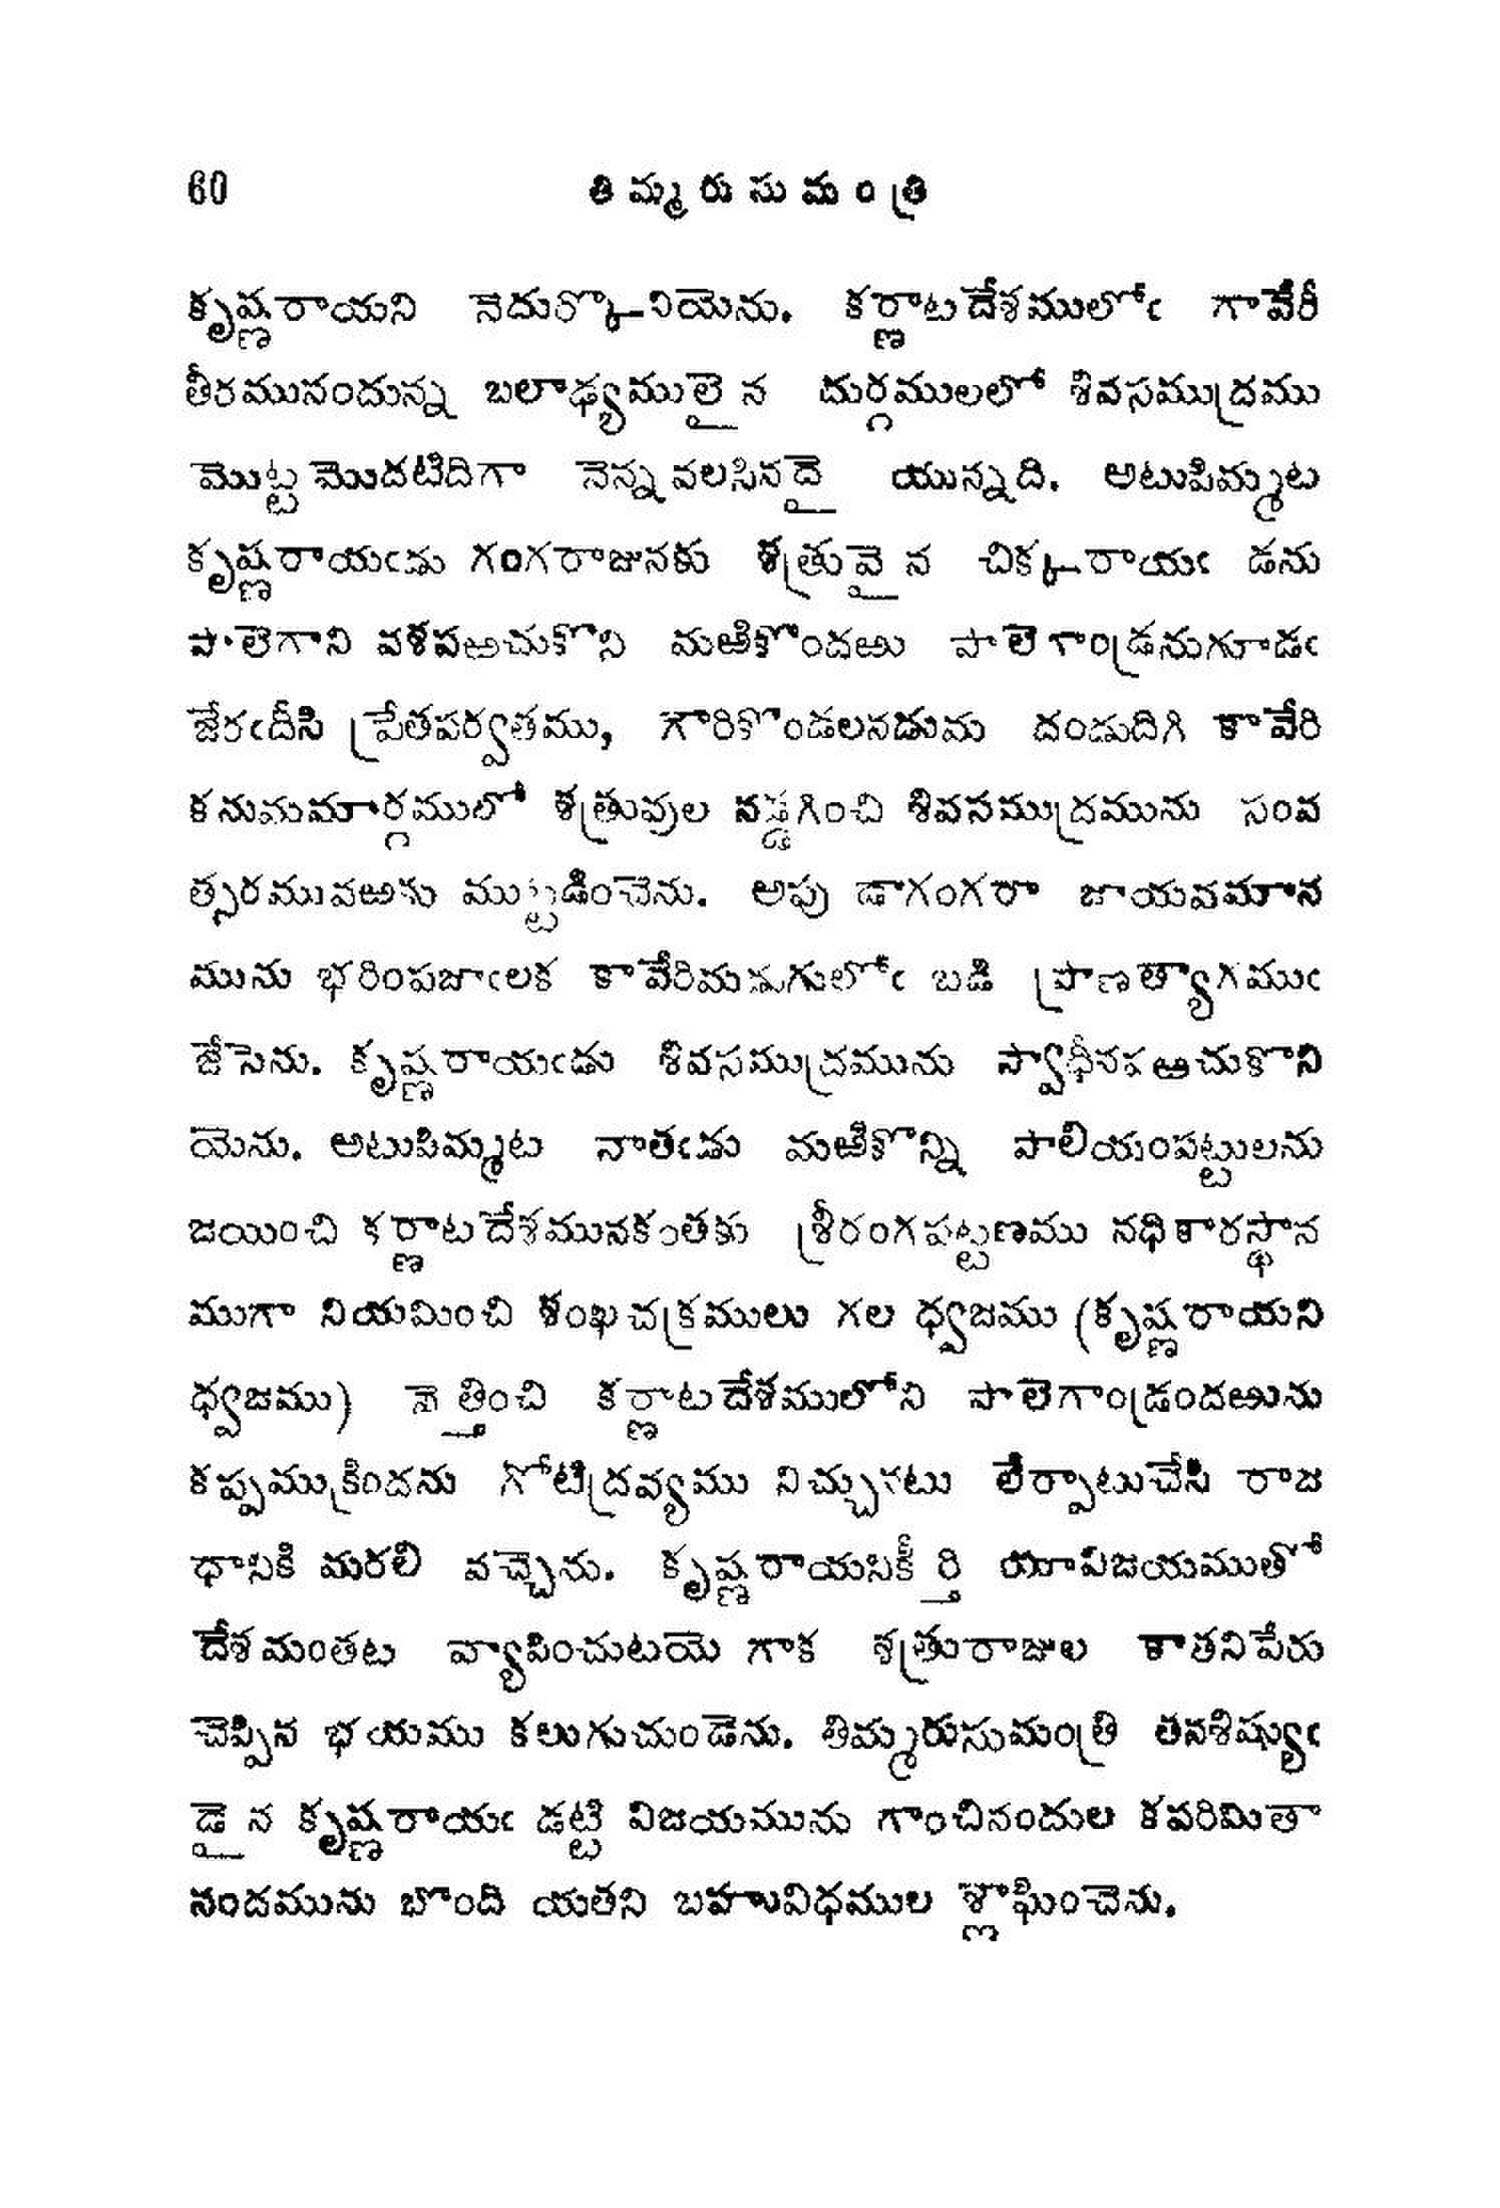కృష్ణరాయని నెదుర్కొనియెను. కర్ణాటదేశములోఁ గావేరీతీరమునందున్న బలాఢ్యములైన దుర్గములలో శివసముద్రము మొట్టమొదటిదిగా నెన్నవలసినదై యున్నది. అటుపిమ్మట కృష్ణరాయఁడు గంగరాజునకు శత్రువైన చిక్కరాయఁ డను పాలెగాని వశపఱచుకొని మఱికొందఱు పాలెగాండ్రనుగూడఁ జేరఁదీసి ప్రేతపర్వతము, గౌరికొండలనడుమ దండుదిగి కావేరి కనుమమార్గములో శత్రువుల నడ్డగించి శివసముద్రమును సంవత్సరమువఱకు ముట్టడించెను. అపు డాగంగరా జాయవమానమును భరింపజాఁలక కావేరిమడుగులోఁ బడి ప్రాణత్యాగముఁ జేసెను. కృష్ణరాయఁడు శివసముద్రమును స్వాధీనపఱచుకొనియెను. అటుపిమ్మట నాతఁడు మఱికొన్ని పాలియంపట్టులను జయించి కర్ణాటదేశమునకంతకు శ్రీరంగపట్టణము నధికారస్థానముగా నియమించి శంఖచక్రములు గల ధ్వజము (కృష్ణరాయని ధ్వజము) నెత్తించి కర్ణాటదేశములోని పాలెగాండ్రందఱును కప్పముక్రిందను గోటిద్రవ్యము నిచ్చునటు లేర్పాటుచేసి రాజధానికి మరలి వచ్చెను. కృష్ణరాయనికీర్తి యావిజయముతో దేశమంతట వ్యాపించుటయె గాక శత్రురాజుల కాతనిపేరు చెప్పిన భయము కలుగుచుండెను. తిమ్మరుసుమంత్రి తనశిష్యుఁడైన కృష్ణరాయఁ డట్టి విజయమును గాంచినందుల కపరిమితా నందమును బొంది యతని బహువిధముల శ్లాఘించెను.